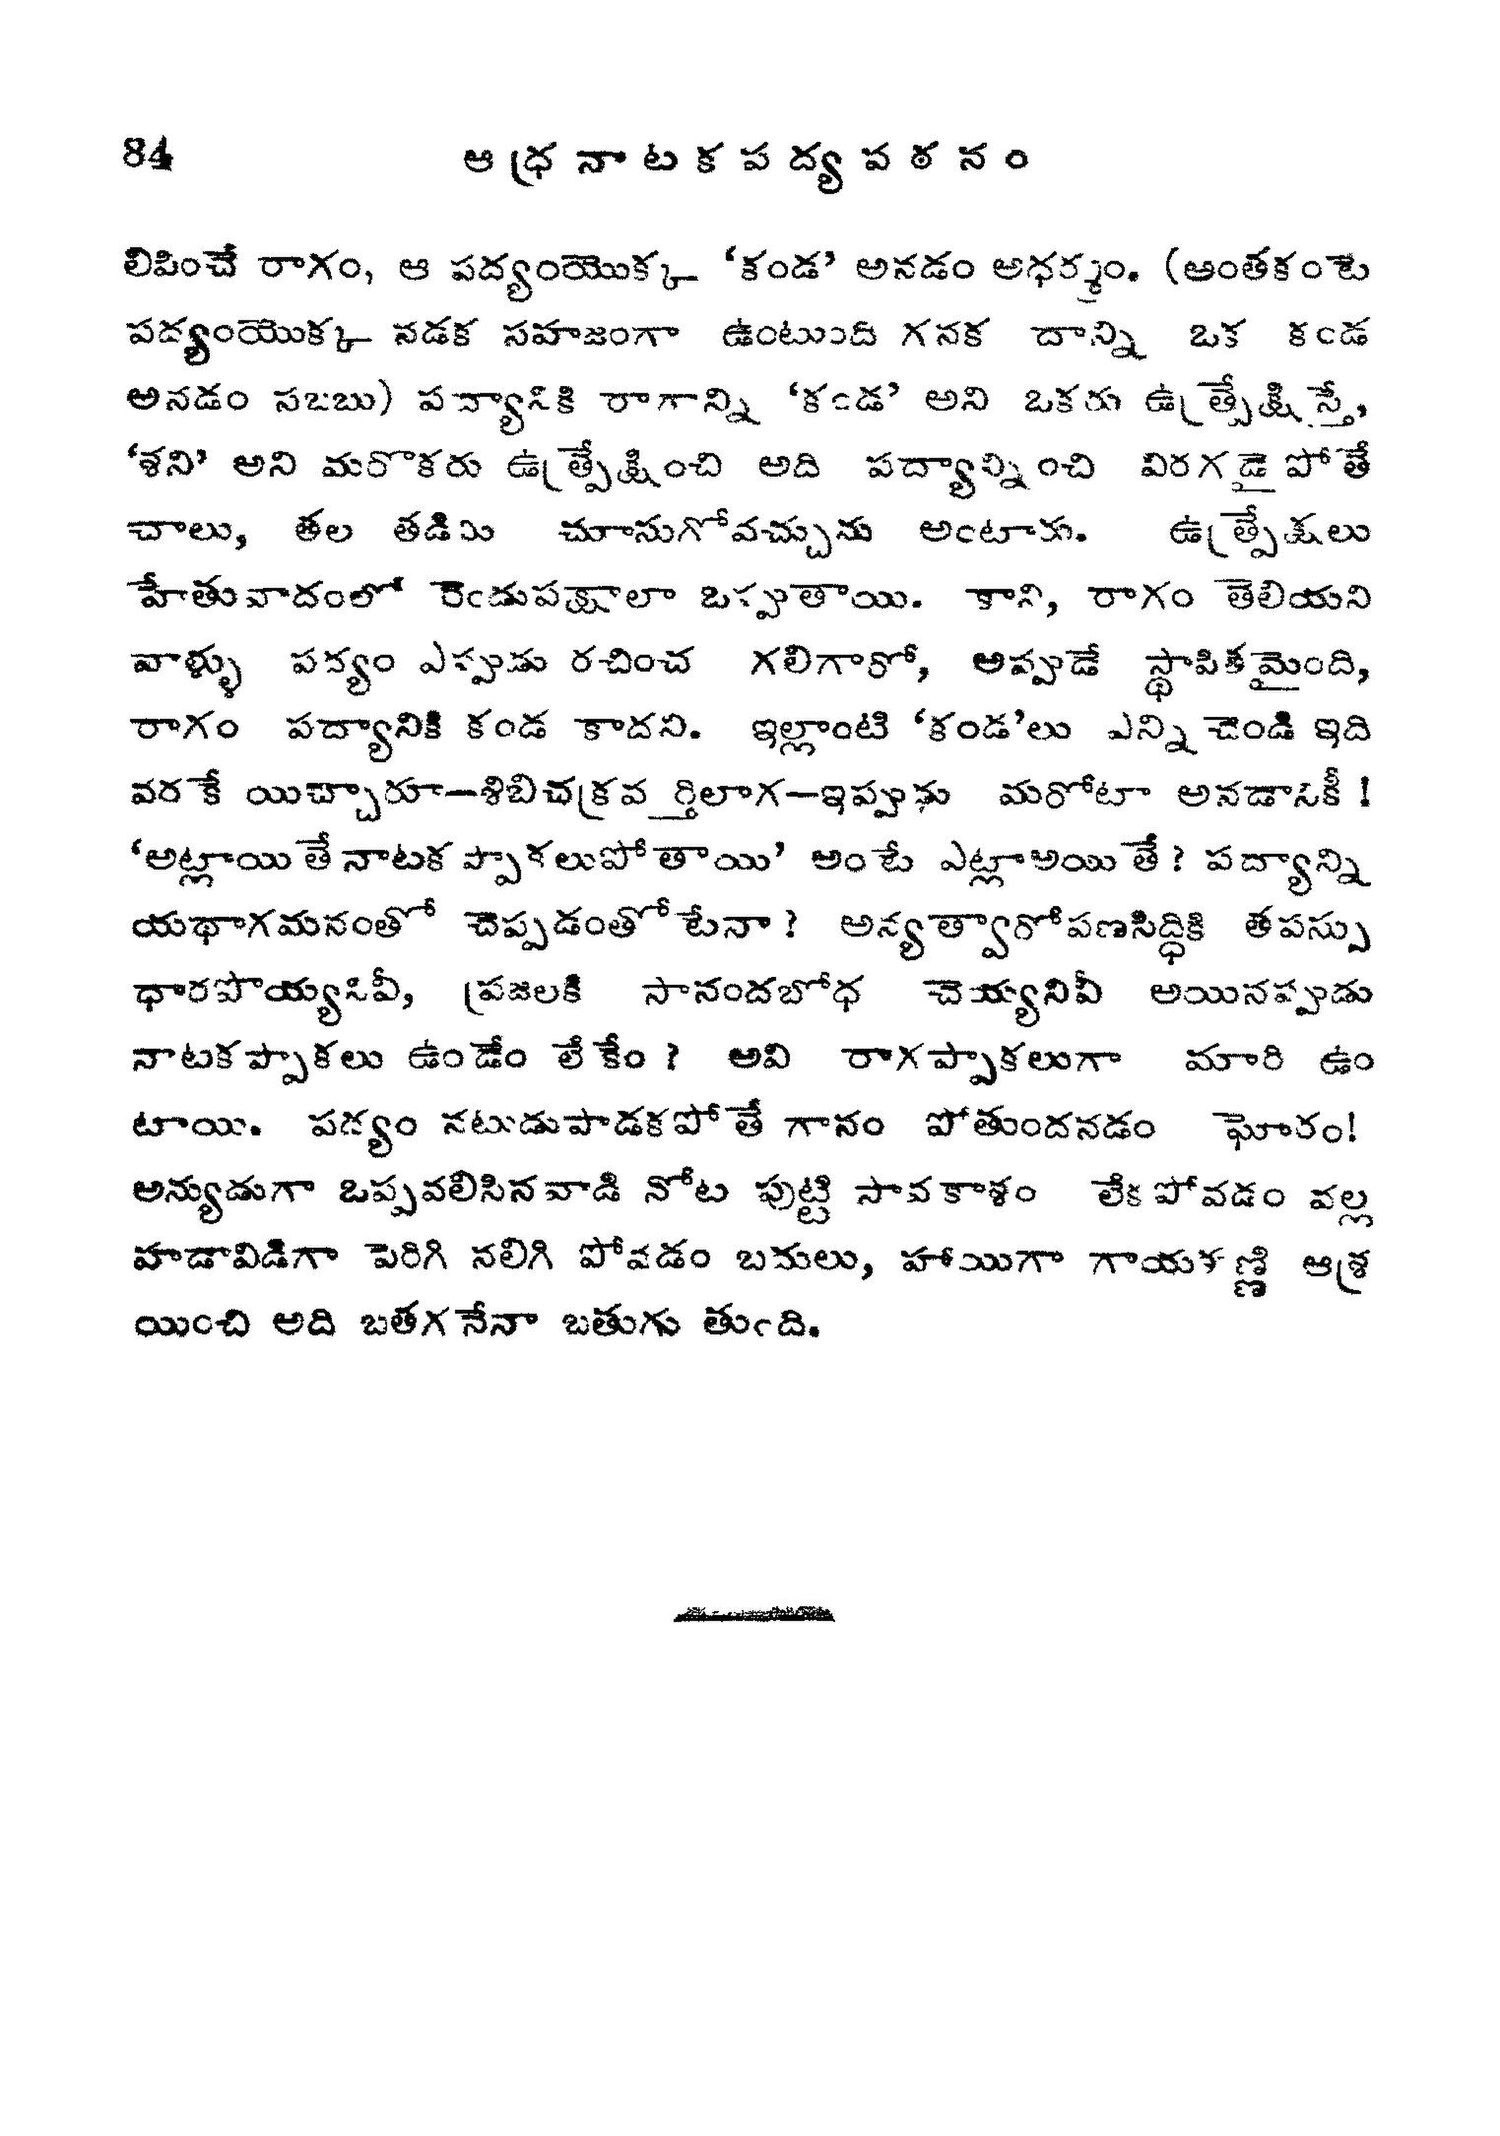లిపించే రాగం, ఆ పద్యంయొక్క 'కండ' అనడం అధర్మం. (అంతకంటె
పద్యంయొక్క నడక సహజంగా ఉంటుంది గనక దాన్ని ఒక కండ
అనడం సబబు) పద్యానికి రాగాన్ని 'కండ' అని ఒకరు ఉత్ప్రేక్షిస్తే,
'శని' అని మరొకరు ఉత్ప్రేక్షించి అది పద్యాన్నించి విరగడై పోతే
చాలు, తల తడిమి చూసుగోవచ్చును అంటారు. ఉత్ప్రేక్షలు
హేతువాదంలో రెండుపక్షాలా ఒప్పుతాయి. కాని, రాగం తెలియని
వాళ్ళు పద్యం ఎప్పుడు రచించ గలిగారో, అప్పుడే స్థాపితమైంది,
రాగం పద్యానికి కండ కాదని. ఇల్లాంటి 'కండ'లు ఎన్ని చెండి ఇది
వరకే యిచ్చారూ—శిబిచక్రవర్తిలాగ - ఇప్పుడు మరోటా అనడానికీ !
'అట్లాయితేనాటక ప్పాకలుపోతాయి' అంటే ఎట్లాఅయితే ? పద్యాన్ని
యథాగమనంతో చెప్పడంతోటేనా ? అన్యత్వారోపణసిద్ధికి తపస్సు
ధారపొయ్యనివీ, ప్రజలకి సానందబోధ చెయ్యనివీ అయినప్పుడు
నాటకప్పాకలు ఉండేం లేకేం? అవి రాగప్పాకలుగా మారి ఉం
టాయి. పద్యం నటుడుపాడకపోతే గానం పోతుందనడం ఘోరం!
అన్యుడుగా ఒప్పవలిసినవాడి నోట పుట్టి సావకాశం లేకపోవడం వల్ల
హడావిడిగా పెరిగి నలిగి పోవడం బదులు, హాయిగా గాయకుణ్ణి ఆశ్ర
యించి అది బతగనేనా బతుగు తుంది.